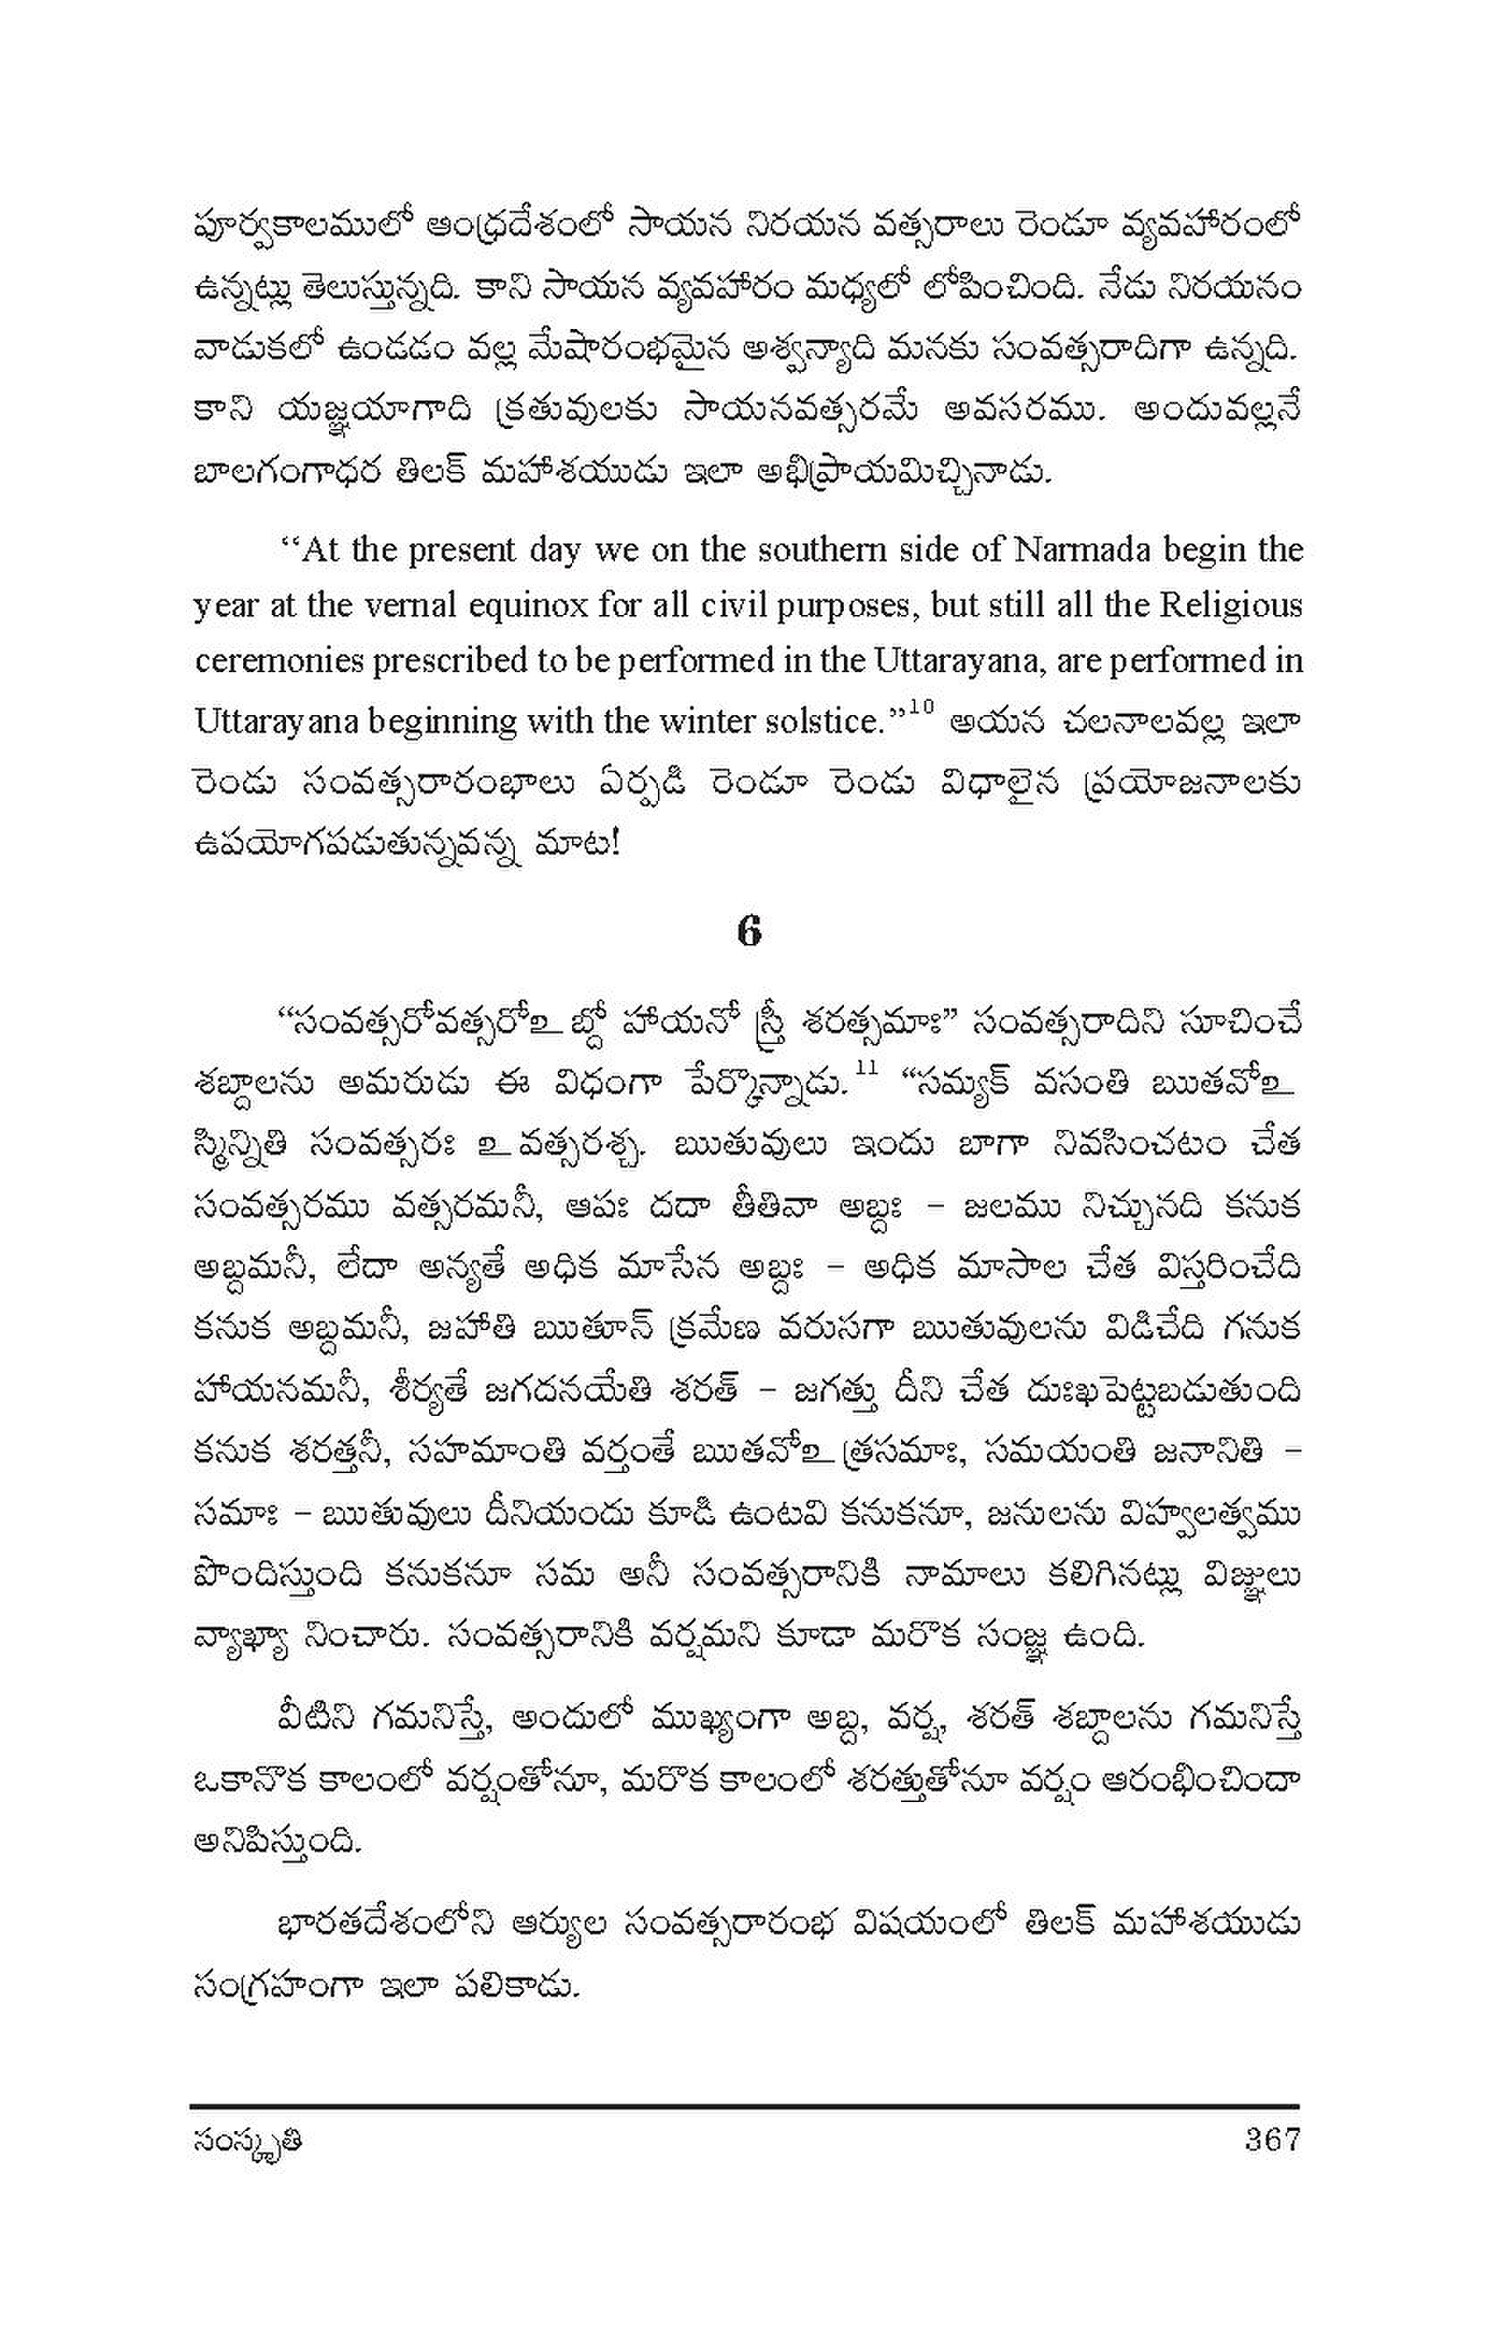పూర్వకాలములో ఆంధ్రదేశంలో సాయన నిర్ణయన వత్సరాలు రెండూ వ్యవహారంలో
ఉన్నట్లు తెలుస్తున్నది. కాని సాయన వ్యవహారం మధ్యలో లోపించింది. నేడు నిర్ణయనం
వాడుకలో ఉండడం వల్ల మేషారంభమైన అశ్వన్యాది మనకు సంవత్సరాదిగా ఉన్నది.
కాని యజ్ఞయాగాది క్రతువులకు సాయనవత్సరమే అవసరము. అందువల్లనే
బాలగంగాధర తిలక్ మహాశయుడు ఇలా అభిప్రాయమిచ్చినాడు.

"At the present day we on the southern side of Narmada begin the
year at the vernal equinox for all civil purposes, but still all the Religious
ceremonies prescribed to be performed in the Uttarayana, are performed in
Uttaray ana beginning with the winter solistice" అయన చలనాలవల్ల ఇలా
రెండు సంవత్సరారంభాలు ఏర్పడి రెండూ రెండు విధాలైన ప్రయోజనాలకు
ఉపయోగపడుతున్నవన్న మాట! 

“సంవత్సరోవత్సరో౽బ్లో హాయనో స్త్రీ శరత్సమాః” సంవత్సరాదిని సూచించే
శబ్దాలను అమరుడు ఈ విధంగా పేర్కొన్నాడు. "సమ్యక్ వసంతి ఋతవో
స్మిన్నితి సంవత్సరః ౽ వత్సరశ్చ. ఋతువులు ఇందు బాగా నివసించటం చేత
సంవత్సరము వత్సరమనీ, ఆపః దదా తీతివా
అబ్దమనీ, లేదా అన్యతే అధిక మాసేన
జలము నిచ్చునది కనుక
అధిక మాసాల చేత విస్తరించేది
కనుక అబ్దమనీ, జహాతి ఋతూన్ క్రమేణ వరుసగా ఋతువులను విడిచేది గనుక
హాయనమనీ, శీర్యతే జగదనయేతి శరత్ - జగత్తు దీని చేత దుఃఖపెట్టబడుతుంది
కనుక శరత్తనీ, సహమాంతి వర్తంతే ఋతనో త్రసమాః, సమయంతి జనానితి
సమాః - ఋతువులు దీనియందు కూడి ఉంటవి కనుకనూ, జనులను విహ్వలత్వము
పొందిస్తుంది కనుకనూ సమ అనీ సంవత్సరానికి నామాలు కలిగినట్లు విజ్ఞులు
వ్యాఖ్యా నించారు. సంవత్సరానికి వర్షమని కూడా మరొక సంజ్ఞ ఉంది.

వీటిని గమనిస్తే, అందులో ముఖ్యంగా అబ్ద, వర్ష, శరత్ శబ్దాలను గమనిస్తే
ఒకానొక కాలంలో వర్షంతోనూ, మరొక కాలంలో శరత్తుతోనూ వర్షం ఆరంభించిందా
అనిపిస్తుంది.

భారతదేశంలోని ఆర్యుల సంవత్సరారంభ విషయంలో తిలక్ మహాశయుడు
సంగ్రహంగా ఇలా పలికాడు.